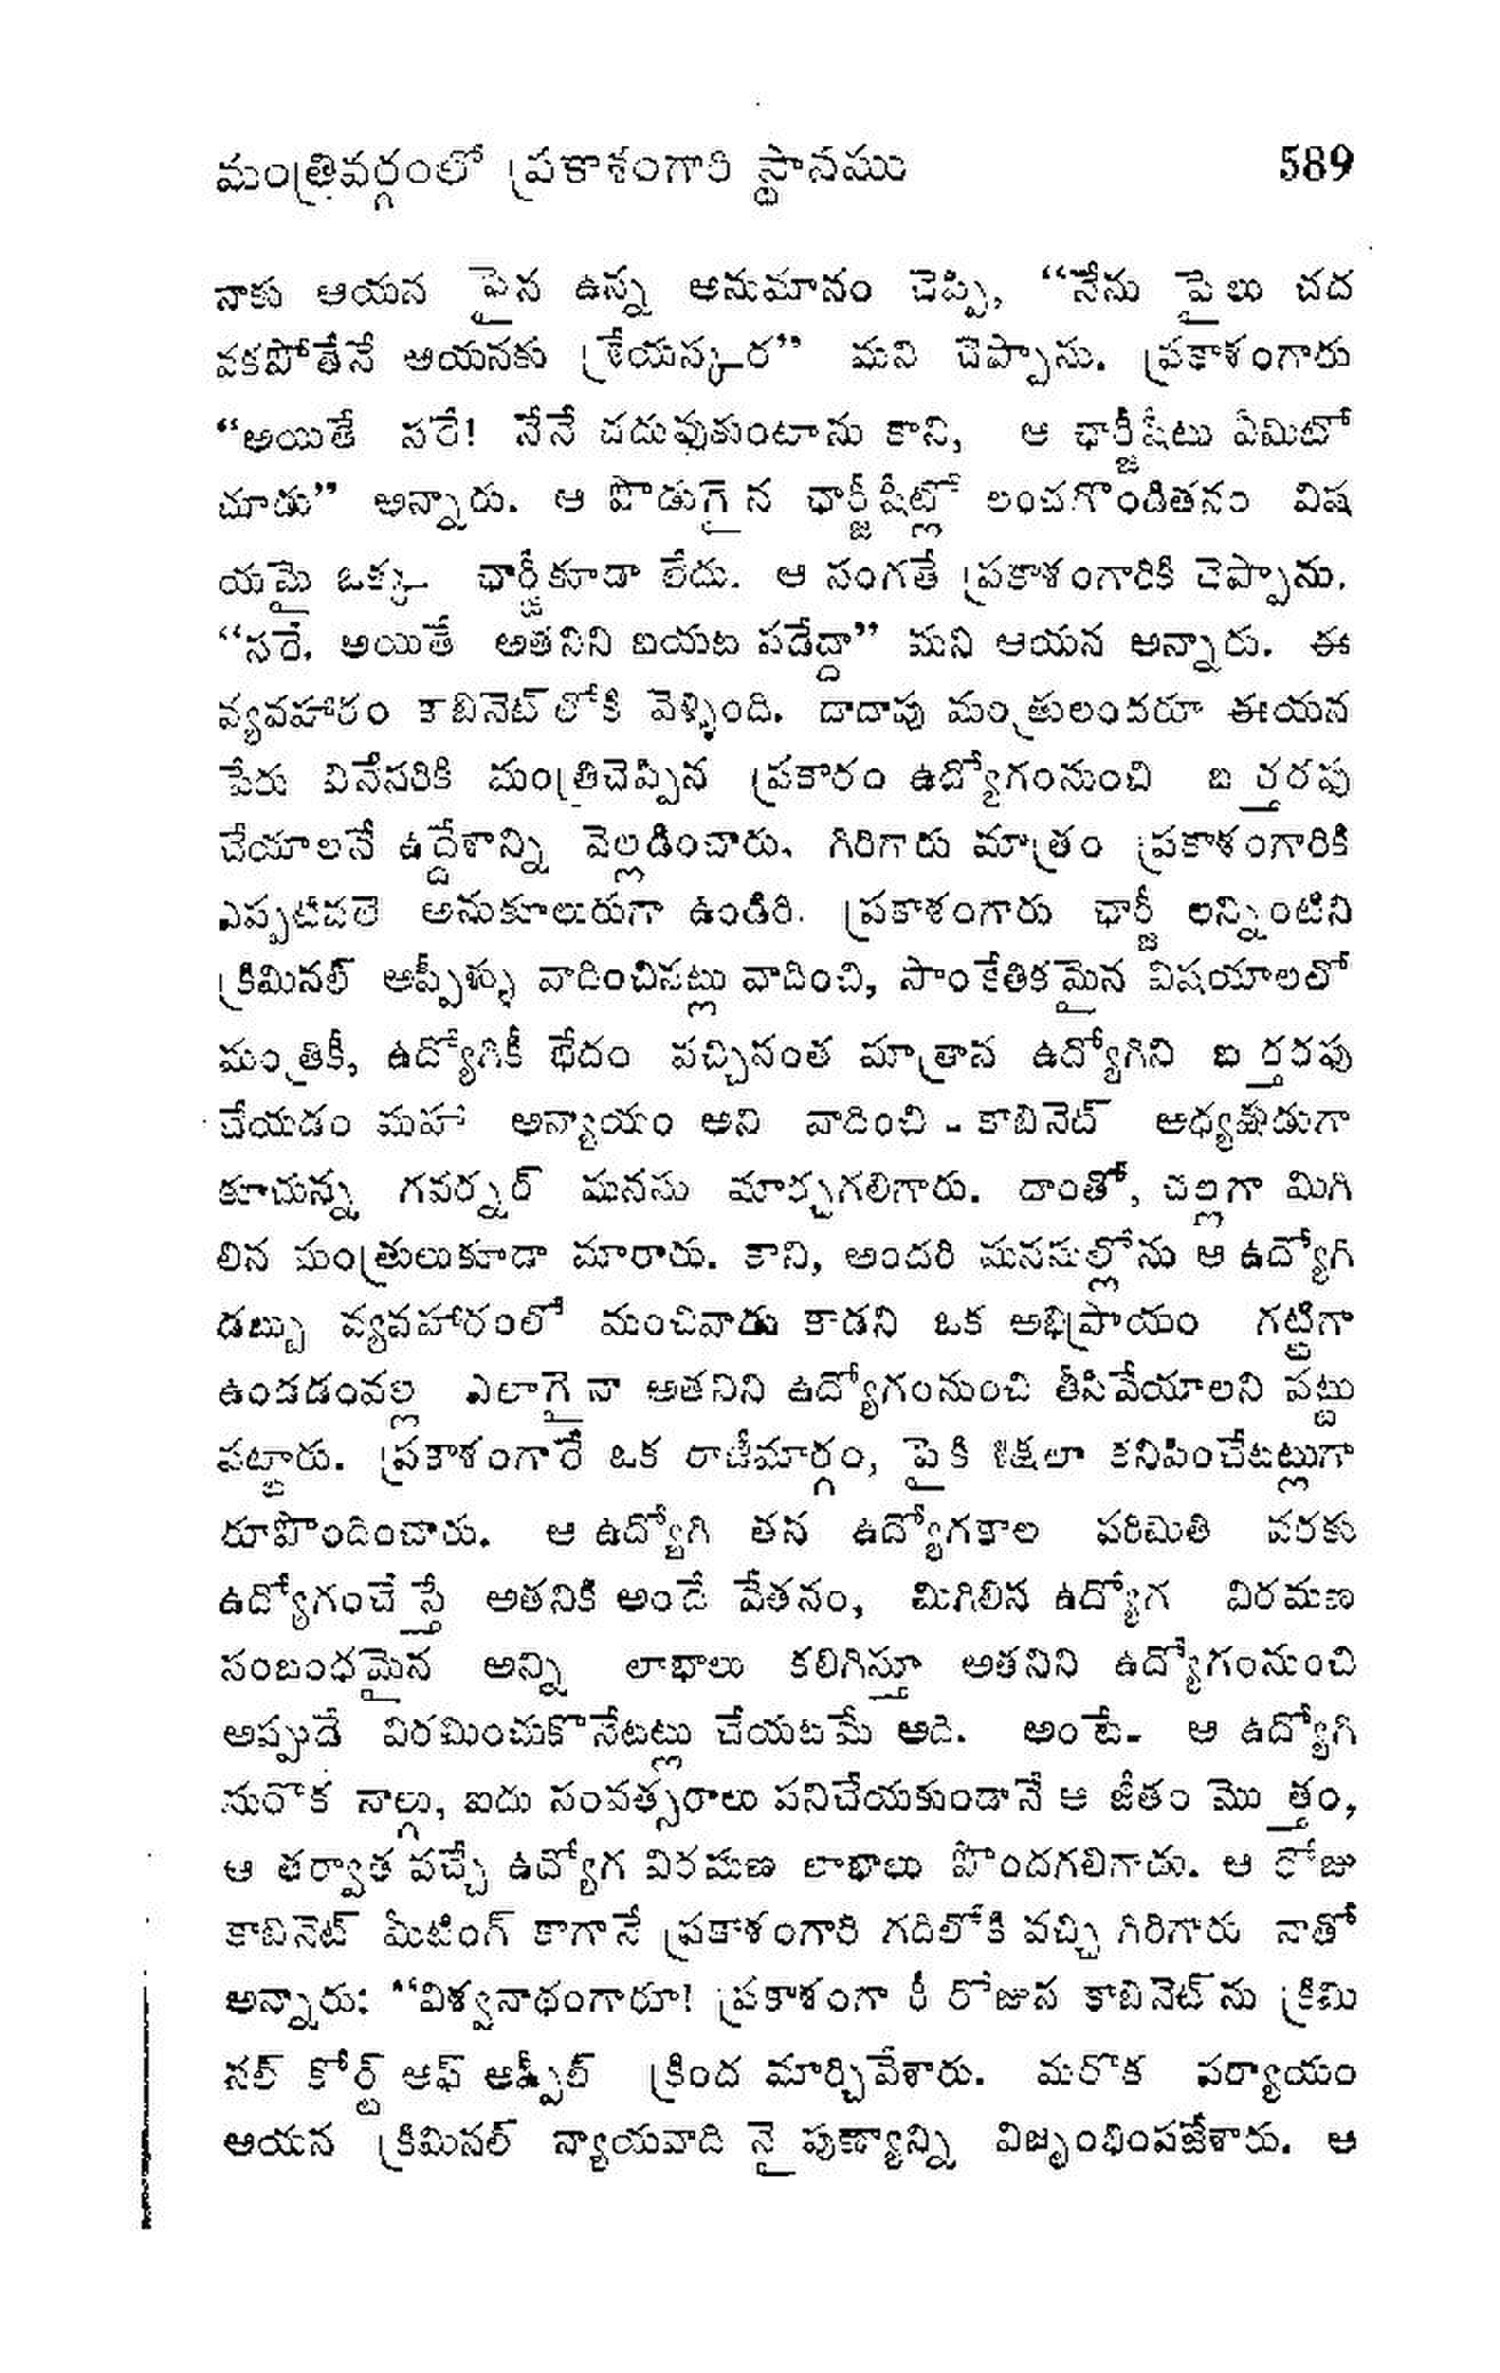నాకు ఆయన పైన ఉన్న అనుమానం చెప్పి, "నేను పైలు చదవకపోతేనే ఆయనకు శ్రేయస్కర" మని చెప్పాను. ప్రకాశంగారు "అయితే సరే! నేనే చదువుకుంటాను కాని, ఆ ఛార్జీషీటు ఏమిటో చూడు" అన్నారు. ఆ పొడుగైన ఛార్జీషీట్లో లంచగొండితనం విషయమై ఒక్క ఛార్జీకూడా లేదు. ఆ సంగతే ప్రకాశంగారికి చెప్పాను. "సరే, అయితే అతనిని బయట పడేద్దా" మని ఆయన అన్నారు. ఈ వ్యవహారం కాబినెట్ లోకి వెళ్ళింది. దాదాపు మంత్రులందరూ ఈయన పేరు వినేసరికి మంత్రిచెప్పిన ప్రకారం ఉద్యోగంనుంచి బర్తరపు చేయాలనే ఉద్దేశాన్ని వెల్లడించారు. గిరిగారు మాత్రం ప్రకాశంగారికి ఎప్పటివలె అనుకూలురుగా ఉండిరి. ప్రకాశంగారు ఛార్జీ లన్నింటిని క్రిమినల్ అప్పీళ్ళు వాదించినట్లు వాదించి, సాంకేతికమైన విషయాలలో మంత్రికీ, ఉద్యోగికీ భేదం వచ్చినంత మాత్రాన ఉద్యోగిని బర్తరపు చేయడం మహా అన్యాయం అని వాదించి - కాబినెట్ అధ్యక్షుడుగా కూచున్న గవర్నర్ మనసు మార్చ గలిగారు. దాంతో, చల్లగా మిగిలిన మంత్రులుకూడా మారారు. కాని, అందరి మనసుల్లోను ఆ ఉద్యోగి డబ్బు వ్యవహారంలో మంచివాడు కాడని ఒక అభిప్రాయం గట్టిగా ఉండడంవల్ల ఎలాగైనా అతనిని ఉద్యోగంనుంచి తీసివేయాలని పట్టు పట్టారు. ప్రకాశంగారే ఒక రాజీమార్గం, పైకి శిక్షలా కనిపించేటట్లుగా రూపొందించారు. ఆ ఉద్యోగి తన ఉద్యోగకాల పరిమితి వరకు ఉద్యోగంచేస్తే అతనికి అందే వేతనం, మిగిలిన ఉద్యోగ విరమణ సంబంధమైన అన్ని లాభాలు కలిగిస్తూ అతనిని ఉద్యోగంనుంచి అప్పుడే విరమించుకొనేటట్లు చేయటమే అది. అంటే - ఆ ఉద్యోగి మరొక నాల్గు, ఐదు సంవత్సరాలు పనిచేయకుండానే ఆ జీతం మొత్తం, ఆ తర్వాత వచ్చే ఉద్యోగ విరమణ లాభాలు పొందగలిగాడు. ఆ రోజు కాబినెట్ మీటింగ్ కాగానే ప్రకాశంగారి గదిలోకి వచ్చి గిరిగారు నాతో అన్నారు: "విశ్వనాథంగారూ! ప్రకాశంగా రీ రోజున కాబినెట్‌ను క్రిమినల్ కోర్ట్ ఆఫ్ అప్పీల్ క్రింద మార్చివేశారు. మరొక పర్యాయం ఆయన క్రిమినల్ న్యాయవాది నైపుణ్యాన్ని విజృంభింపజేశారు. ఆ